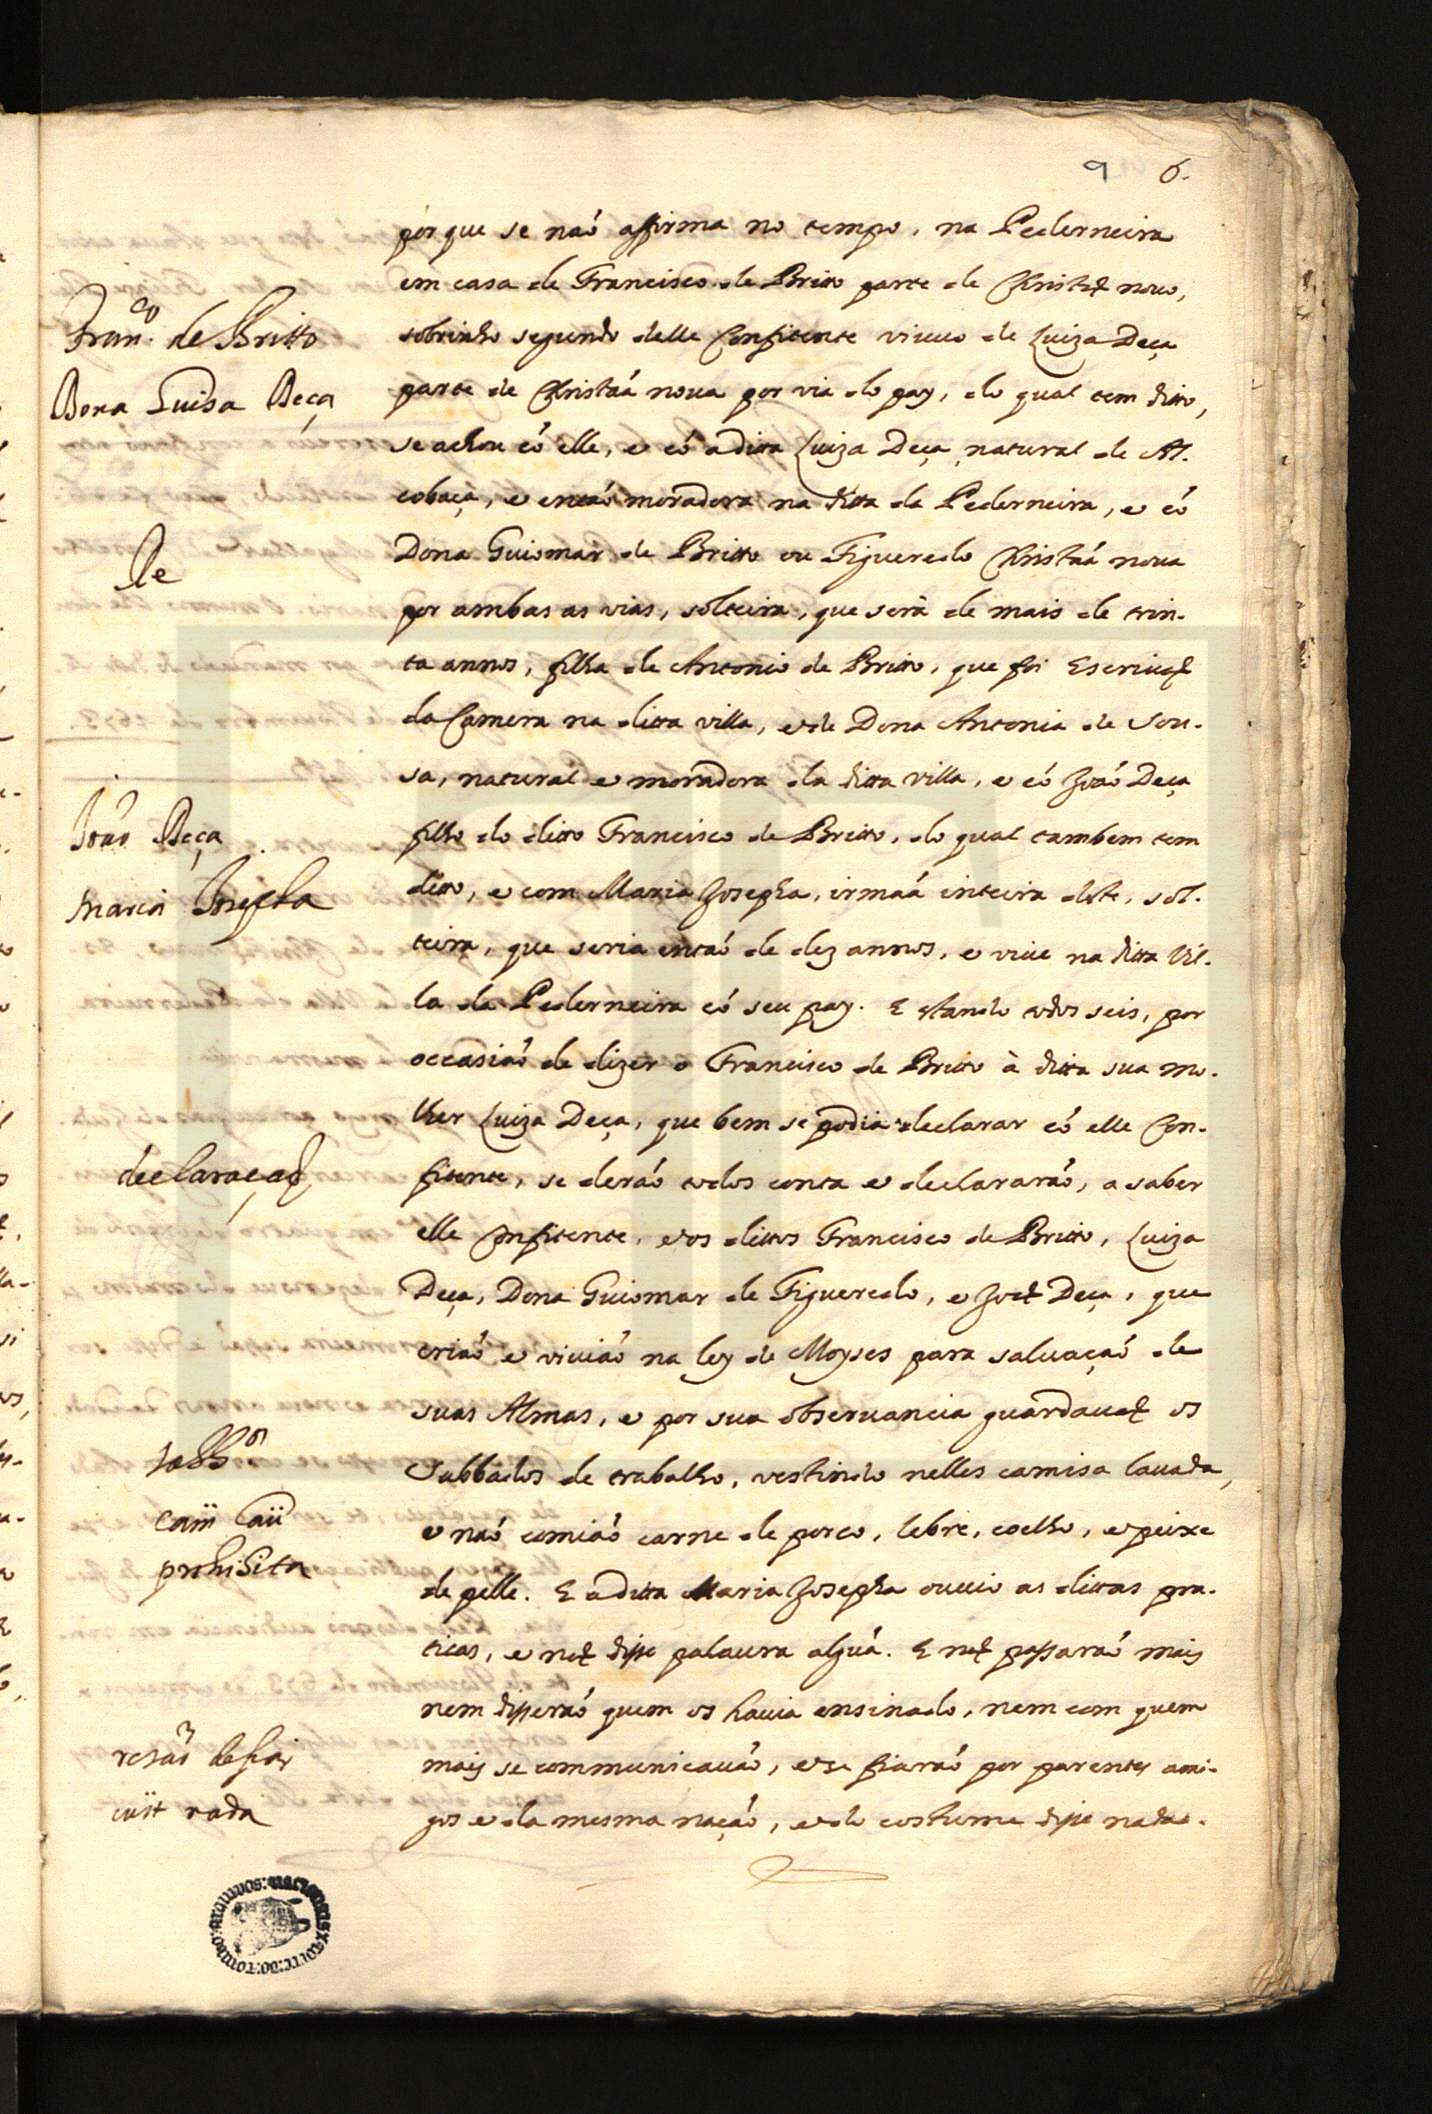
por que se naõ affirma no tempo, na Pederneira
em casa de Francisco de Britto parte de Christaõ nouo,
sobrinho segundo delle Confitente viuuo de Luiza Deça
parte de Christaã nova por via do pay, do qual tem ditto,
se achou cō elle, e cō a ditta Luiza Deça natural de Al
cobaça, e então moradora na ditta da Pederneira, e cō
Dona Guiomar de Britto ou Figueiredo Christaã nova
por ambas as vias, solteira, que será de mais de trin
ta annos, filha de Antonio de Britto, que foi Escrivaõ
da Camera na ditta villa, e de Dona Antonia de Sou
sa, natural e moradora da ditta villa, e cō Joaõ Deça
filho de ditto Francisco de Britto, do qual tambem tem
ditto, e com Maria Josepha, irmaã inteira deste, sol
teira, que seria entaõ de dez annos, e viue na ditta Vil
la da Pederneira cō seu pay. E estando todos seis, por
occasiaõ de dizer o Francisco de Britto à ditta sua mo
lher Luiza Deça, que bem se podia declarar cō elle Con
fitente, se derão todos conta e declararão, a saber
elle Confitente, e os dittos Francisco de Britto, Luiza
Deça, Dona Guiomar de Figueiredo, e Joaõ Deça, que
criaõ e viuiaõ na ley de Moyses para saluaçaõ de
suas Almas, e por sua observancia guardauaõ os
Sabbados de trabalho, vestindo nelles camisa lauada,
e naõ comiaõ carne de porco, lebre, coelho, e peixe
de pelle. E a ditta Maria Josepha ouuio as dittas pra
ticas, e naõ disse palavra alguā. E naõ passaraõ mais
nem disseraõ quem os hauia ensinado, nem com quem
mais se communicauaõ, e se fiaraõ por parentes ami
gos e da mesma naçaõ, e do costume disse nada.
